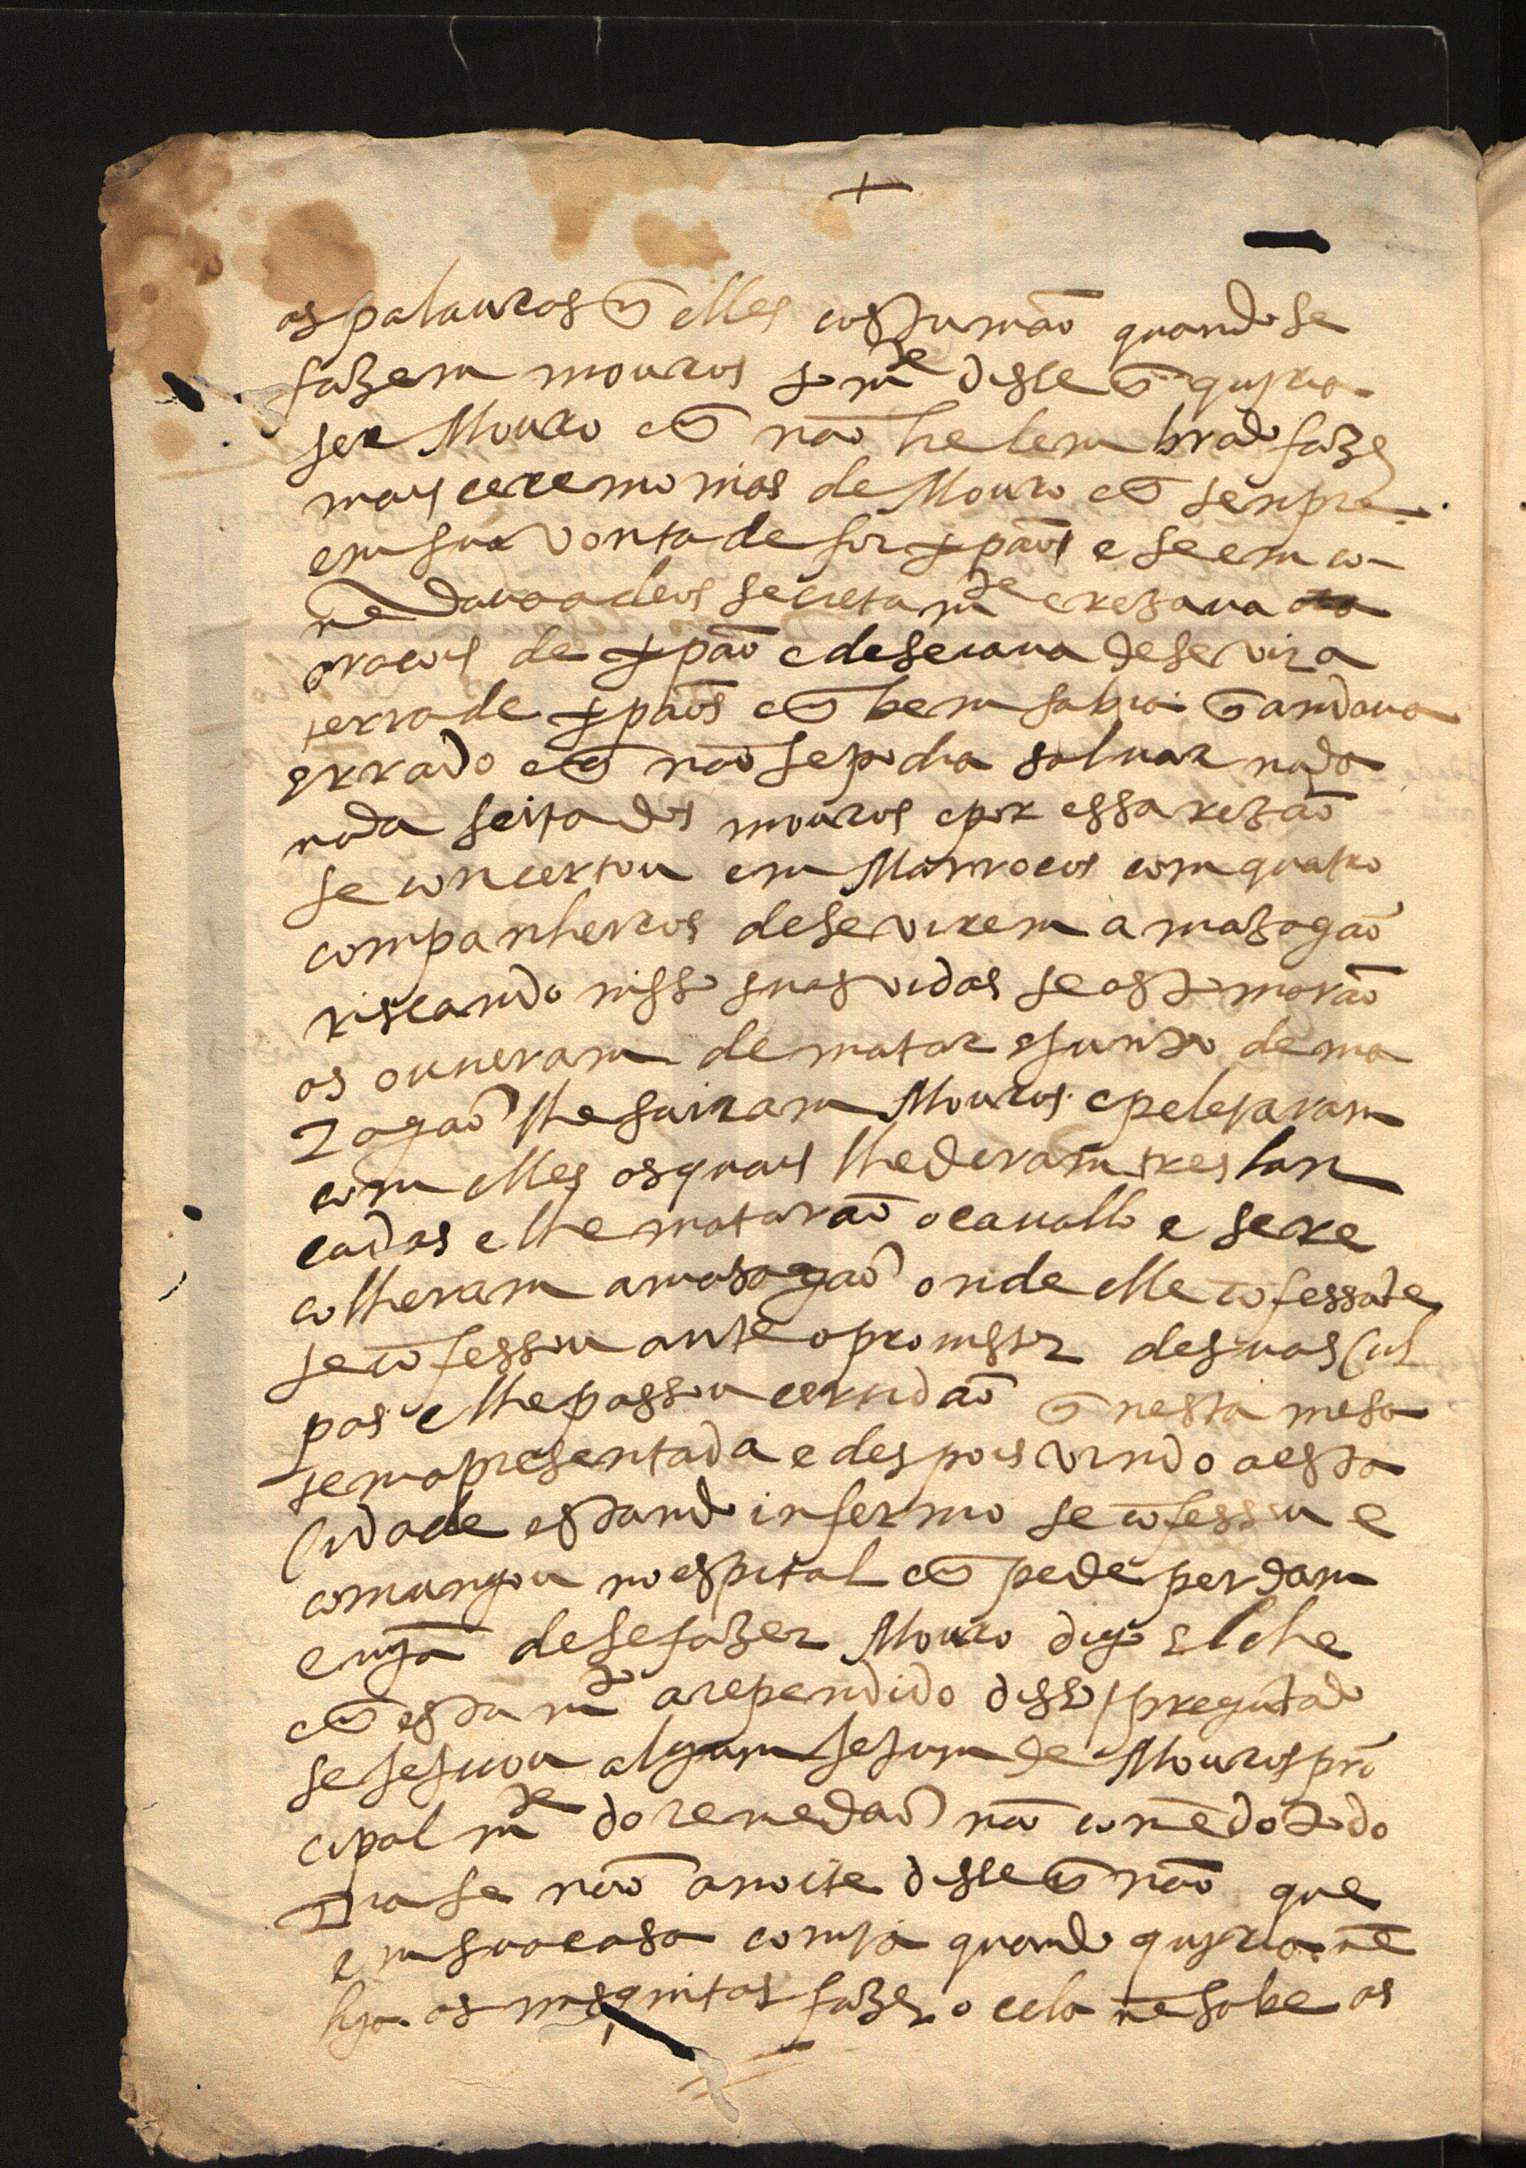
as palauras q̄ elles costumaõ quando se
fazem mouros somte disse q̄ qujria
ser Mouro e q̄ não he lembrado fazer
mais ceremonias de Mouro e q̄ senpre
em sua vontade foi xpaõs e se emco
mēdaua a deos secretamte e rezaua
oracois de xpaõ e deseiaua de se vir a
terra de xpaõs e q̄ bem sabia q̄ andaua
Errado e q̄ naõ se podia saluar na da
nada seita dos mouros e por essa rezaõ
se concertou em Marrocos com quatro
companheiros de se virem a mazagaõ
riscando nisso suas vidas se os tomaraõ
os ouueram de matar E Junto de ma
zagaõ lhe sairam Mouros e pelejaram
com elles os quais lhe deram tres lan
cadas e lhe mataraõ o cauallo e se re
colheram a mazagaõ onde elle c̄ofessāte
se c̄ofessou ante o prouisor de suas Cul
pas e lhe passou certidaõ q̄ nesta mesa
tem apresentada e despoes vindo a esta
Cidade estando infermo se c̄ofessou e
comungou no espital e q̄ pede perdam
e mj̄a de se fazer Mouro digo Elche
e q̄ esta mto arependido disso / pregūtado
se JeJuou algum JeJum de Mouros prī
cipalmte do remedaõ não comēdo todo
Dia senaõ a noite disse q̄ não que
em sua casa comja quando qujria nē
hja as mesquitas fazer o cela nē sabe as
